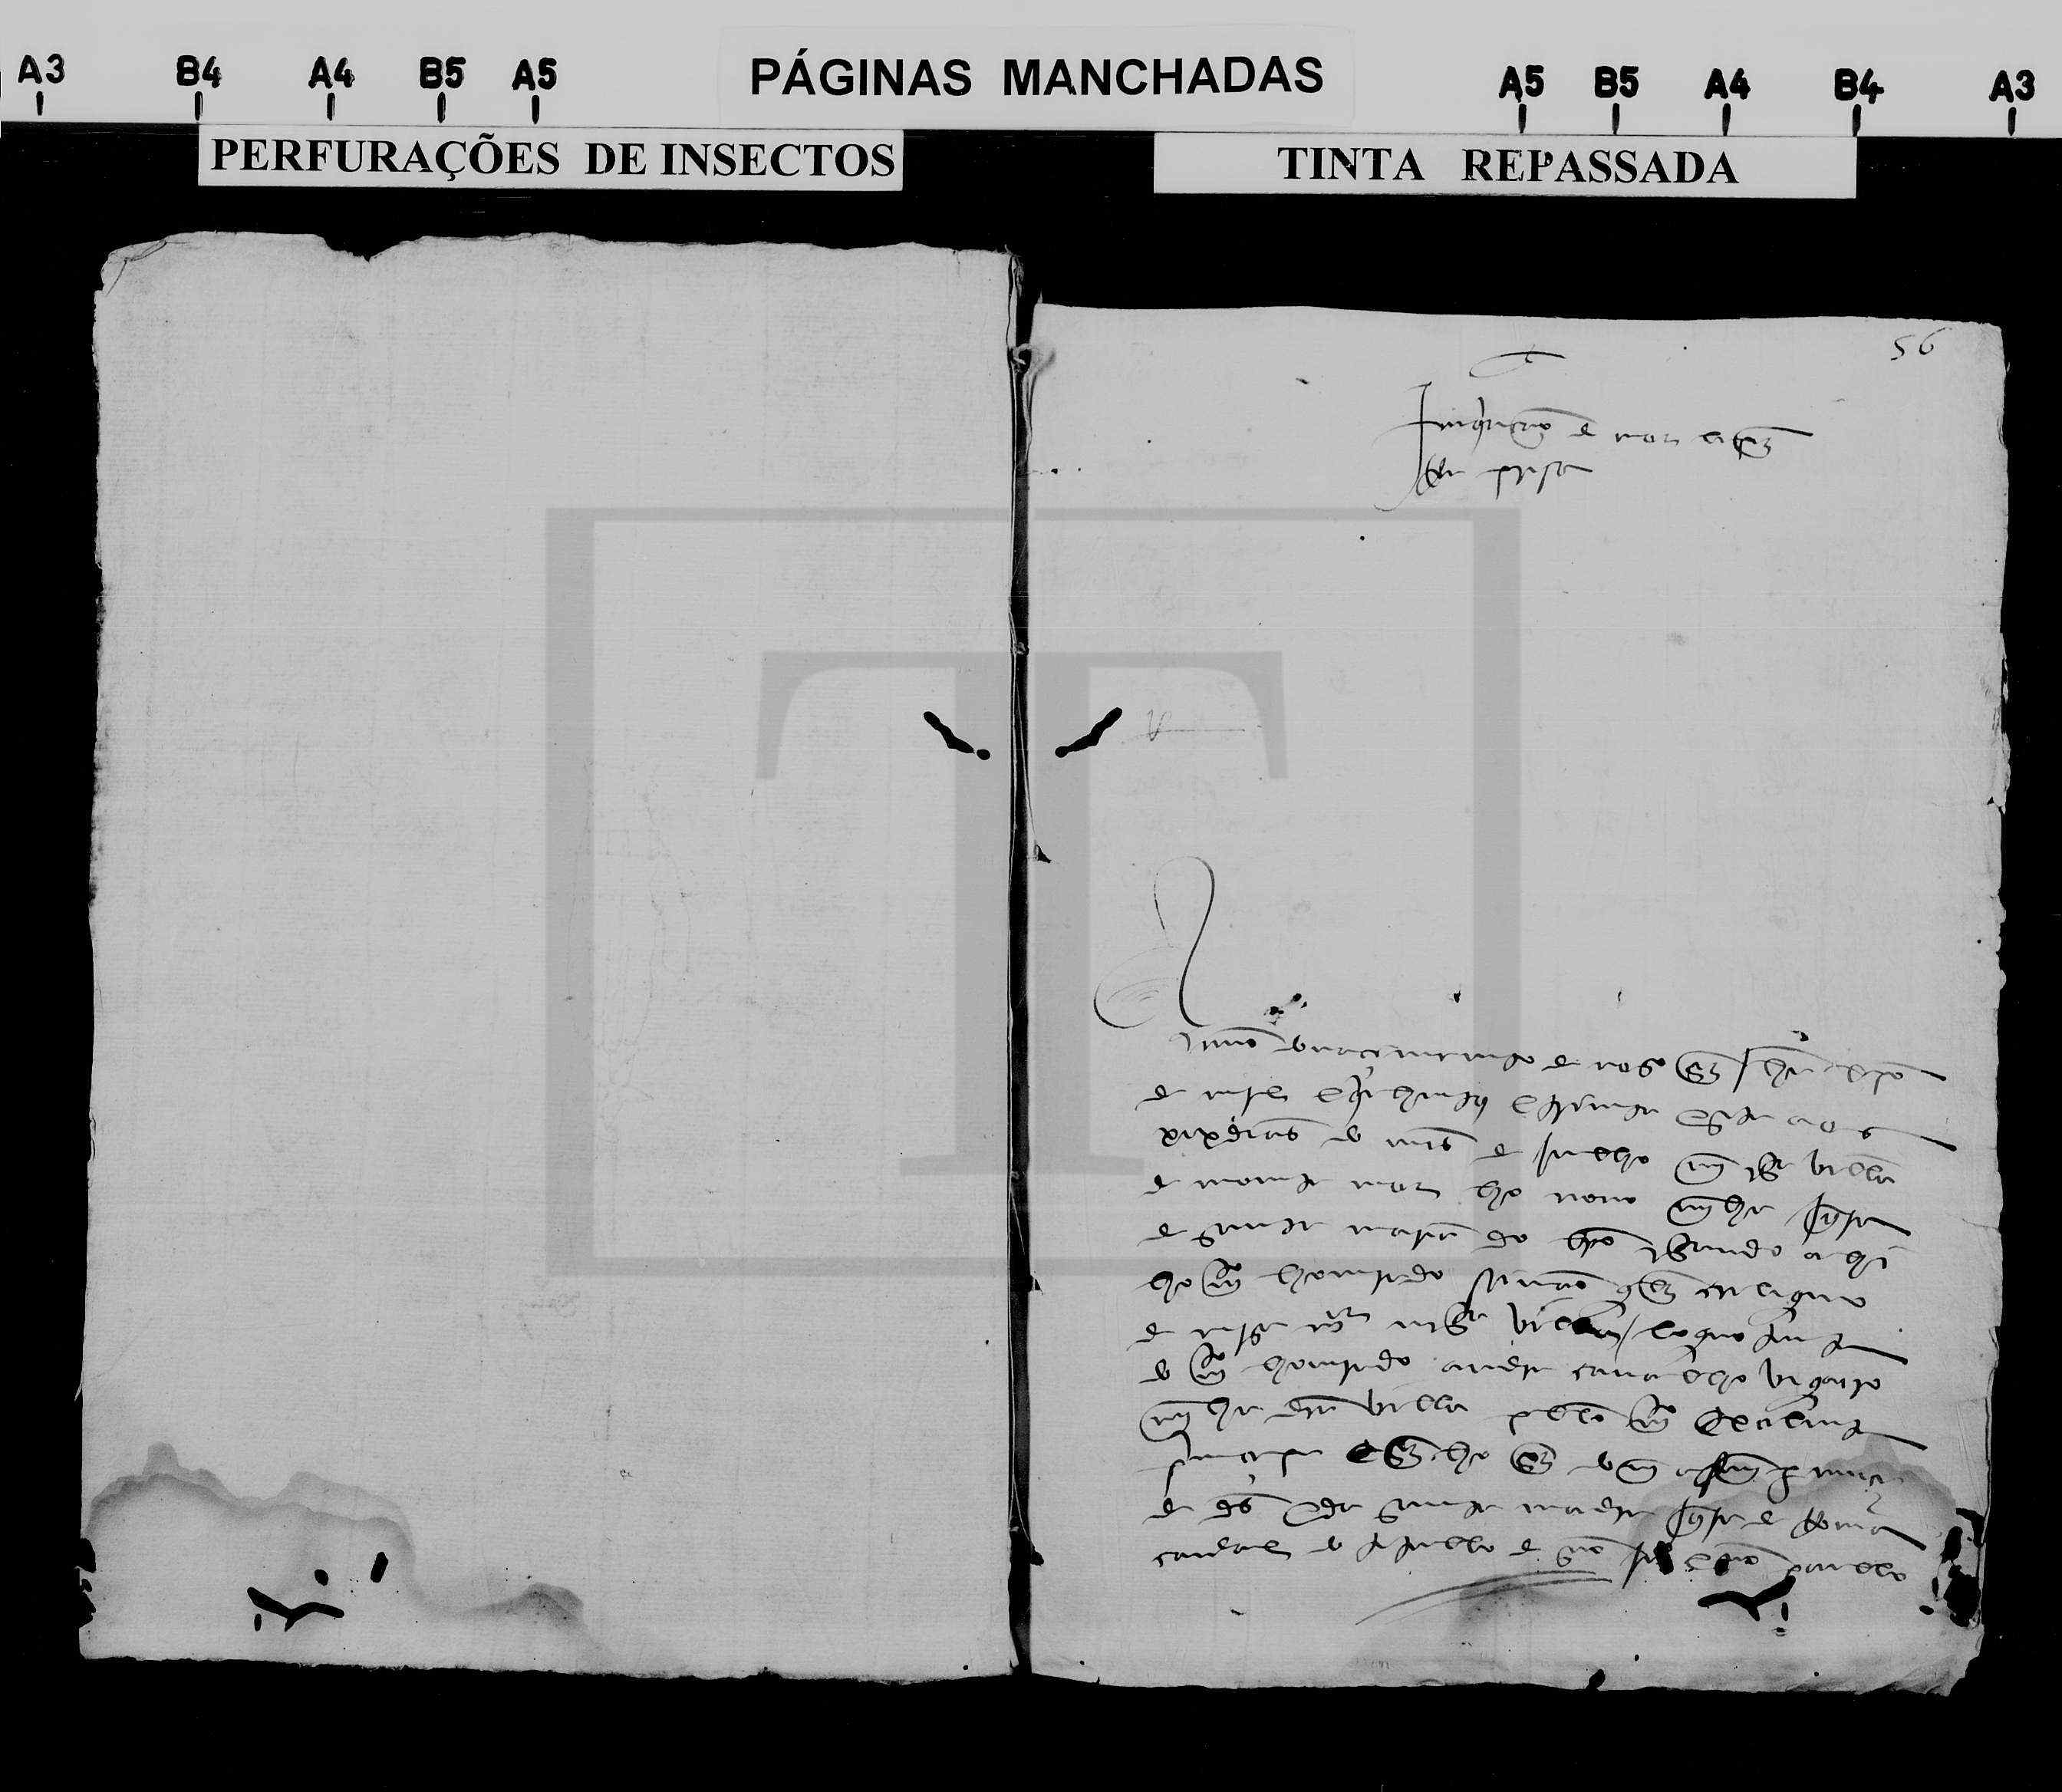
56
Jmqirição de mor lopez
Ree presa
Anno do naçimemto de noso s̄or Jh̄u xp̄o
de mjl e qinhentꝯ e trimta e sete aos
xix dias do mes de Julho em esta villa
de momtemor ho nouo em ha Jḡja
de santa maria do bp̄o estando ahi
ho mto homrado simão gl̄z creliguo
de mjsa mor nesta villa / loguo tente
do mto homrado andre carualho vigairo
em ha dīa villa pll̄o mto Excelente
pincepe E s̄or ho s̄or dom afom̄ ꝑ merce
de ds̄ e da santa madre Jḡja de Roma
cardeal do titullo de são Jmo e são paullo
